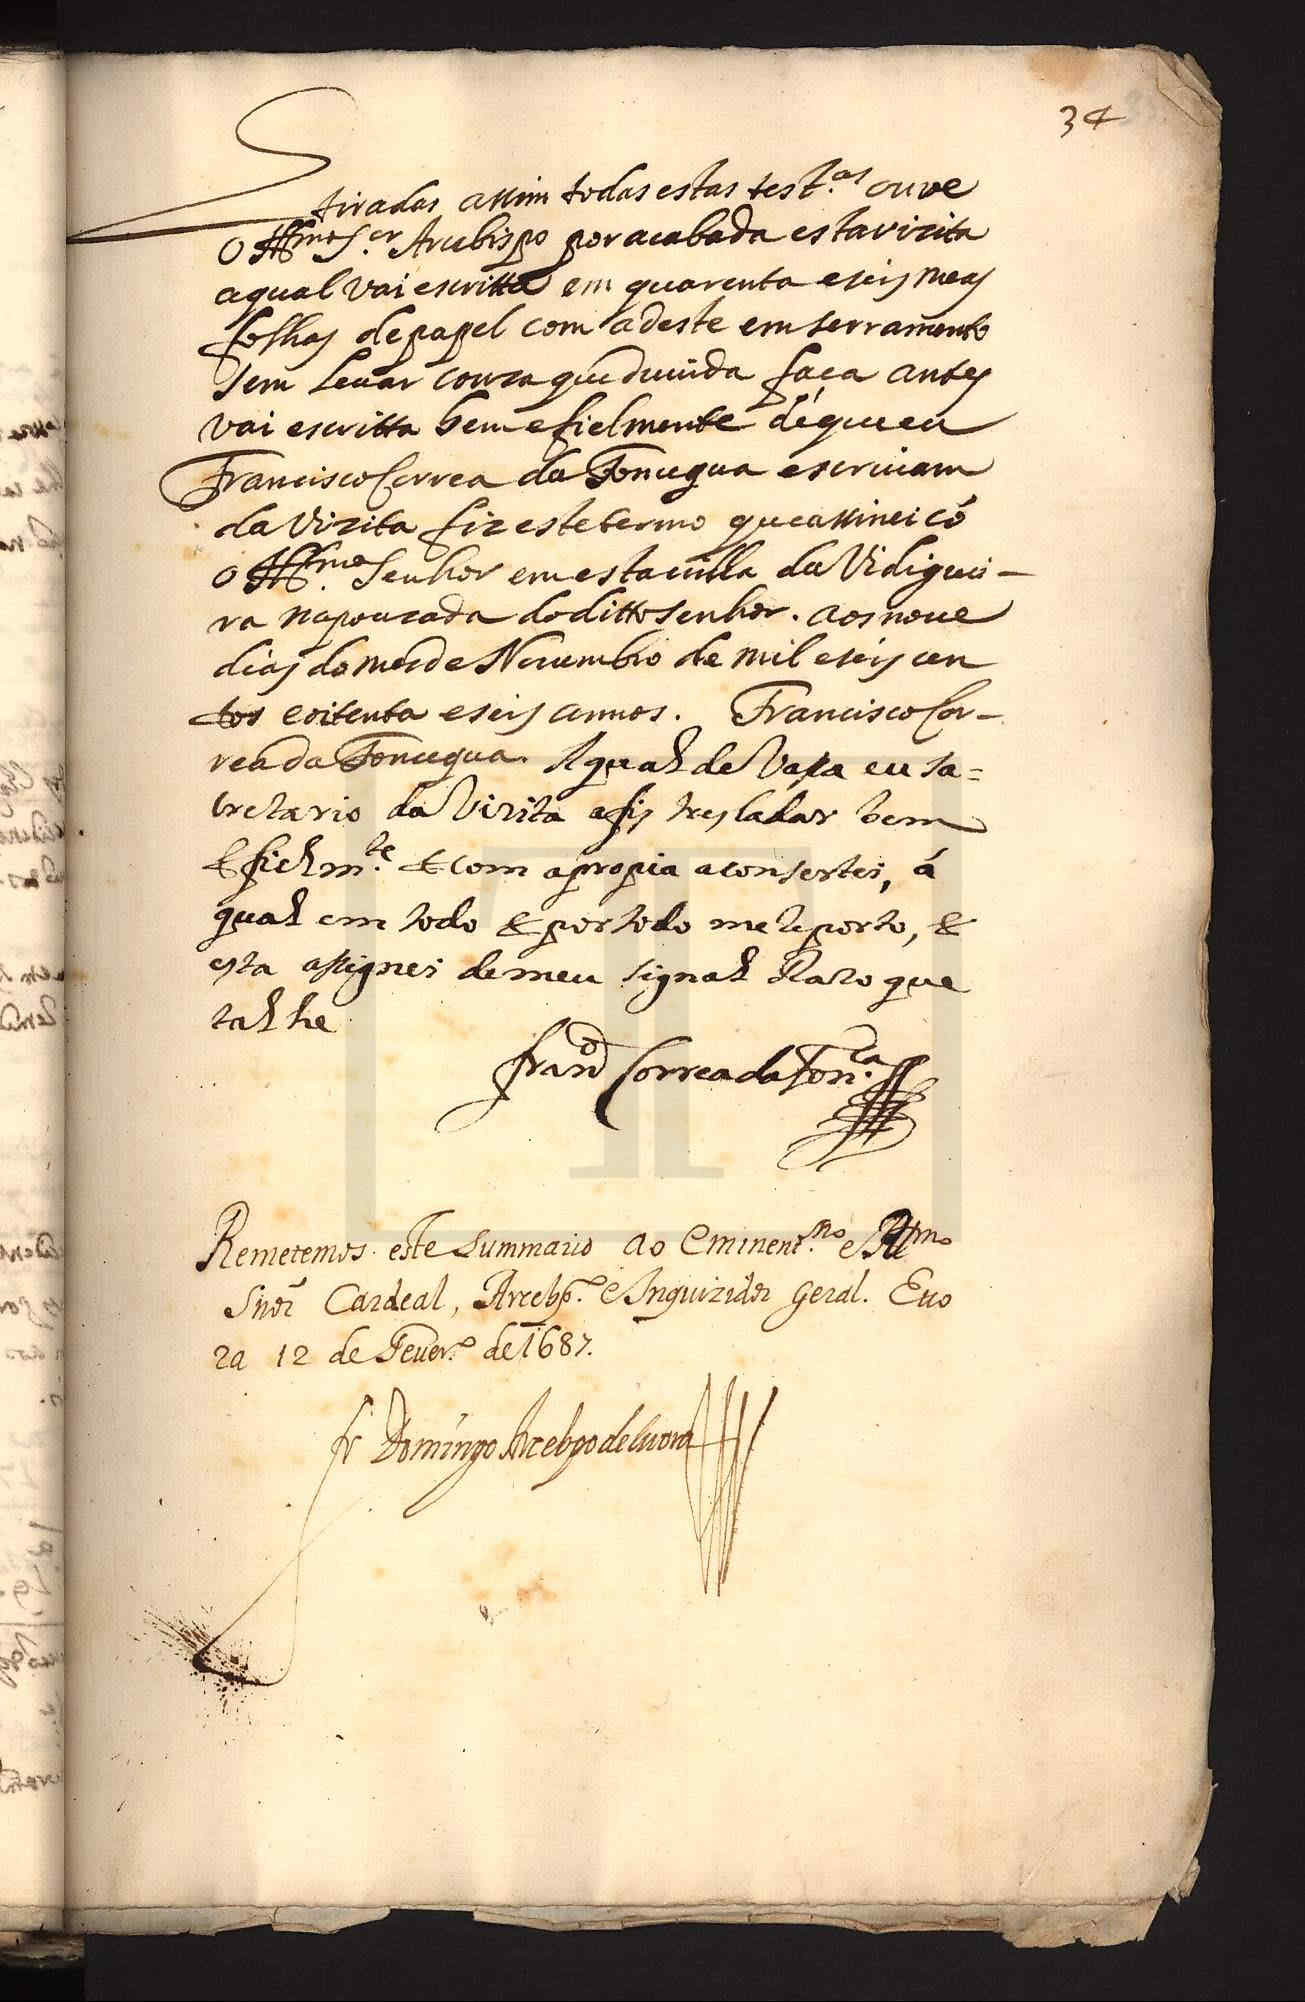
E tiradas assim todas estas test.as ouve
o Ill.mo S.or Arcebispo por acabada esta vizita
a qual vai escritta em quarenta e seis meas
folhas de papel com a deste emserramento
sem leuar couza que duuida faça antes
vai escritta bem e fielmente de que eu
Francisco Correa da Foncequa escriuam
da vizita fiz este termo que assinei cō
o Ill.mo Senhor em esta uilla da Vidiguei
ra na pouzada do ditto senhor. aos noue
dias do mes de Nouembro de mil e seiscen
tos e oitenta e seis annos. Francisco Cor
rea da Foncequa A qual deVassa eu sa
cretario da Vizita a fiz tresladar bem
& fielm.te E com a propia a consertei, á
qual em todo & por todo me Reporto, &
esta assignei de meu signal Razo que
tal he
franco Correa da Fon.ca
Remetemos este Summario ao Eminent.Mo e R.mo
Snor̄ Cardeal, Arcebp.o e Inquizidor geral. Euo
ra 12 de Feuer.o de 1687.
fr. Domingo Arcebpo de Euora
